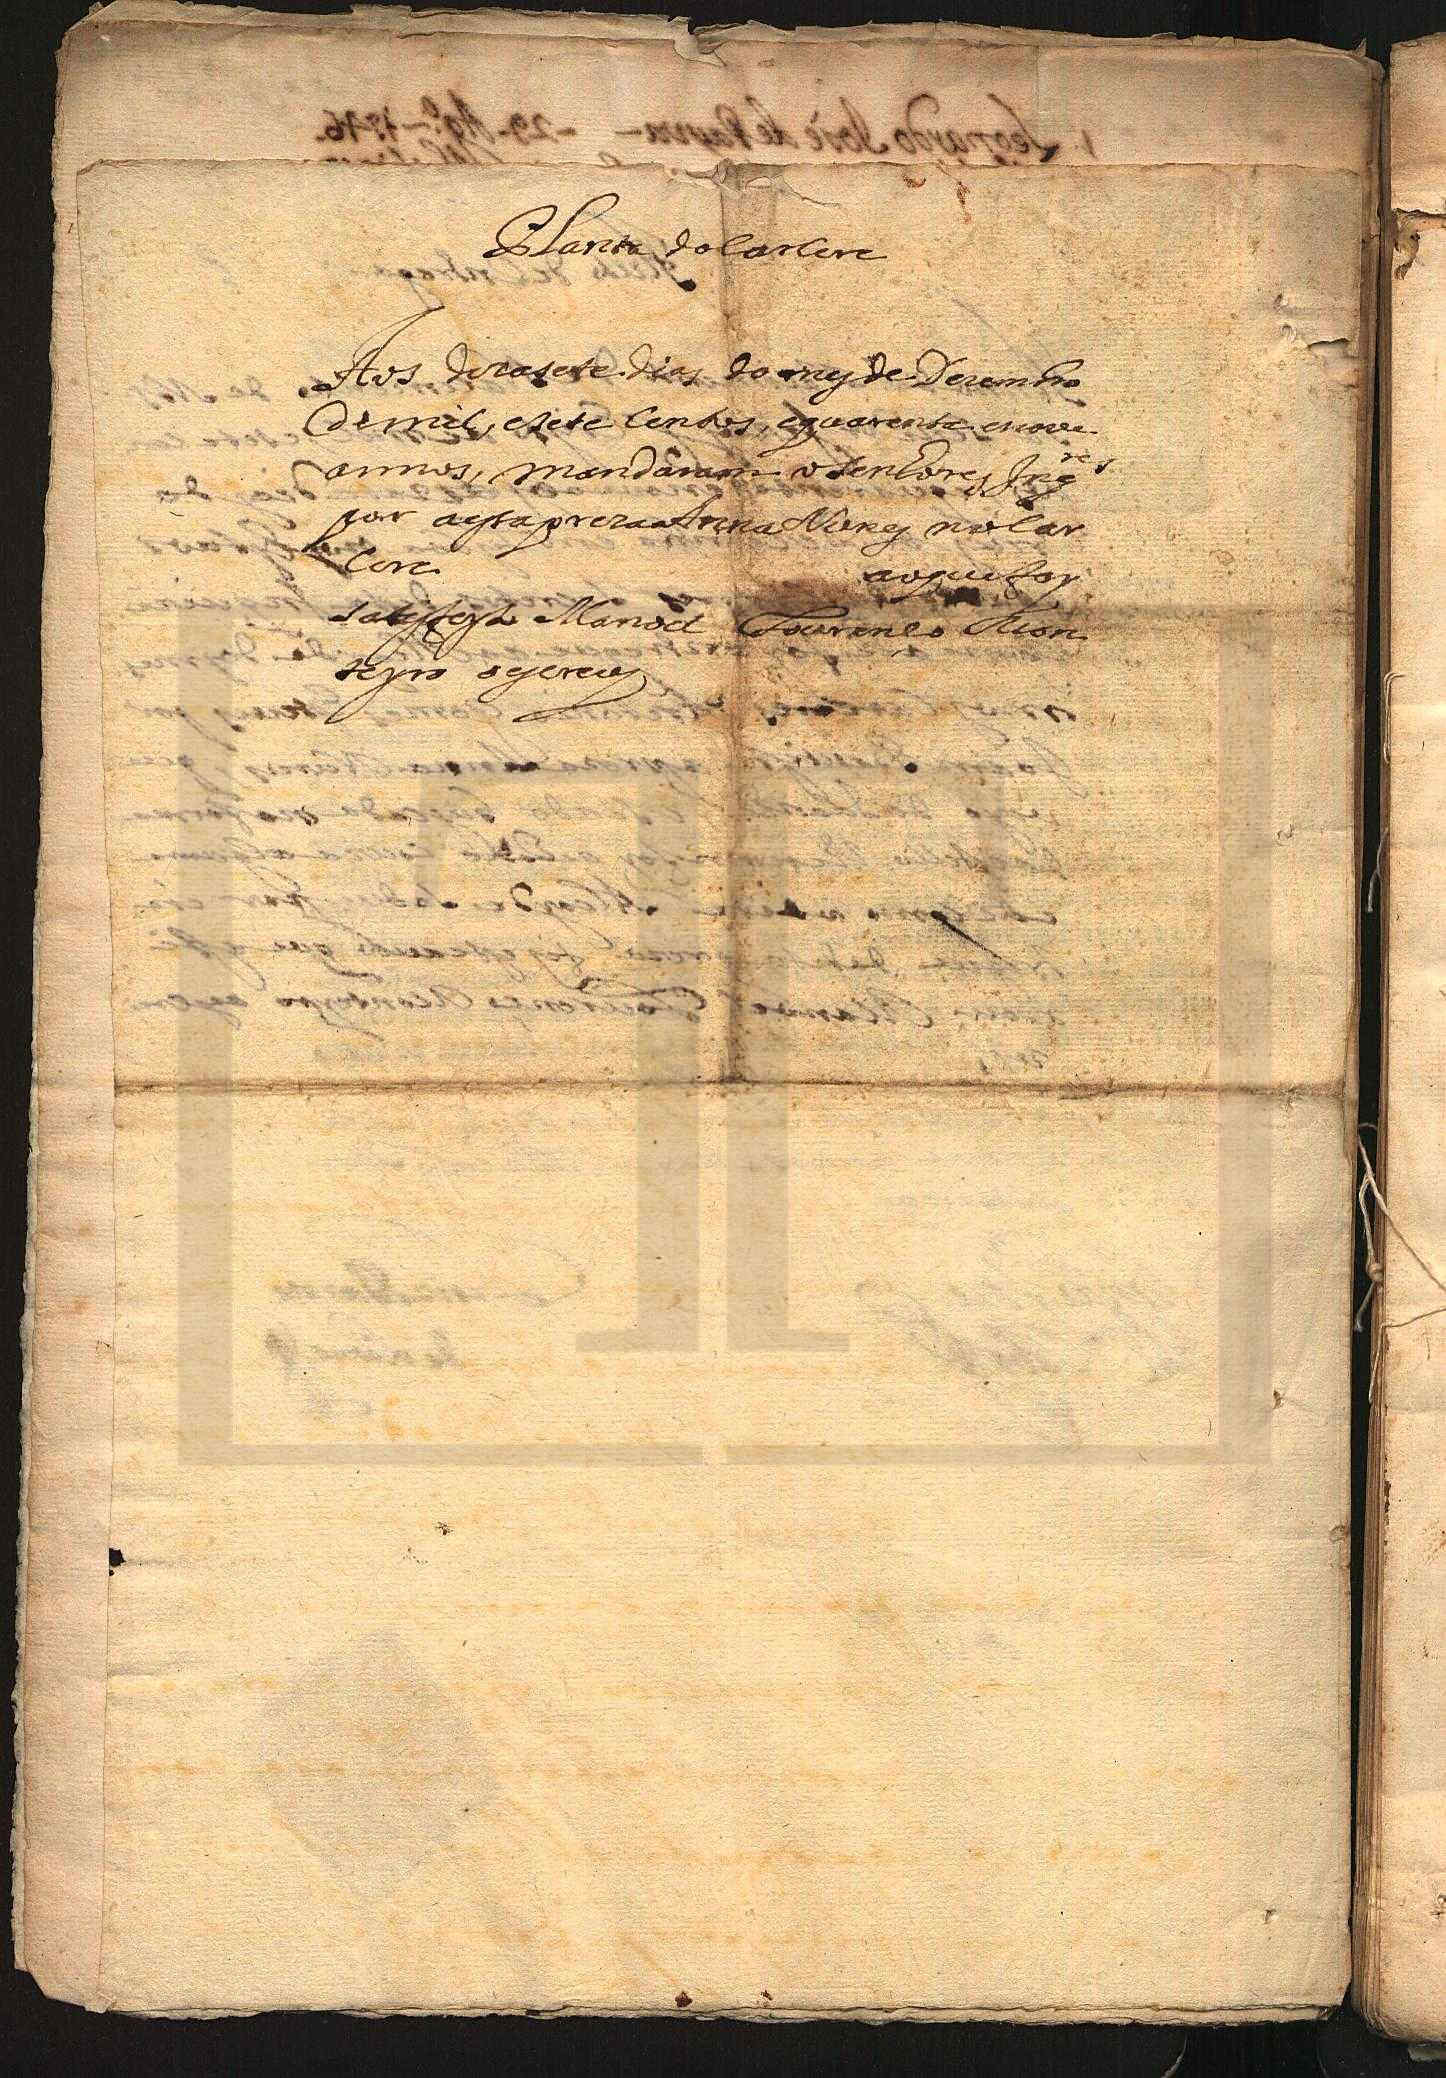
Planta do carcere
Aos dezasete dias do mes de Dezembro
de mil, e setecentos, e quarenta e nove
annos, mandaram o senhores Jnqres
por a esta preza Anna Nunes no car
cere
ao que foy
satisfeyto Manoel Lourenço Mon
teyro o escreuj
